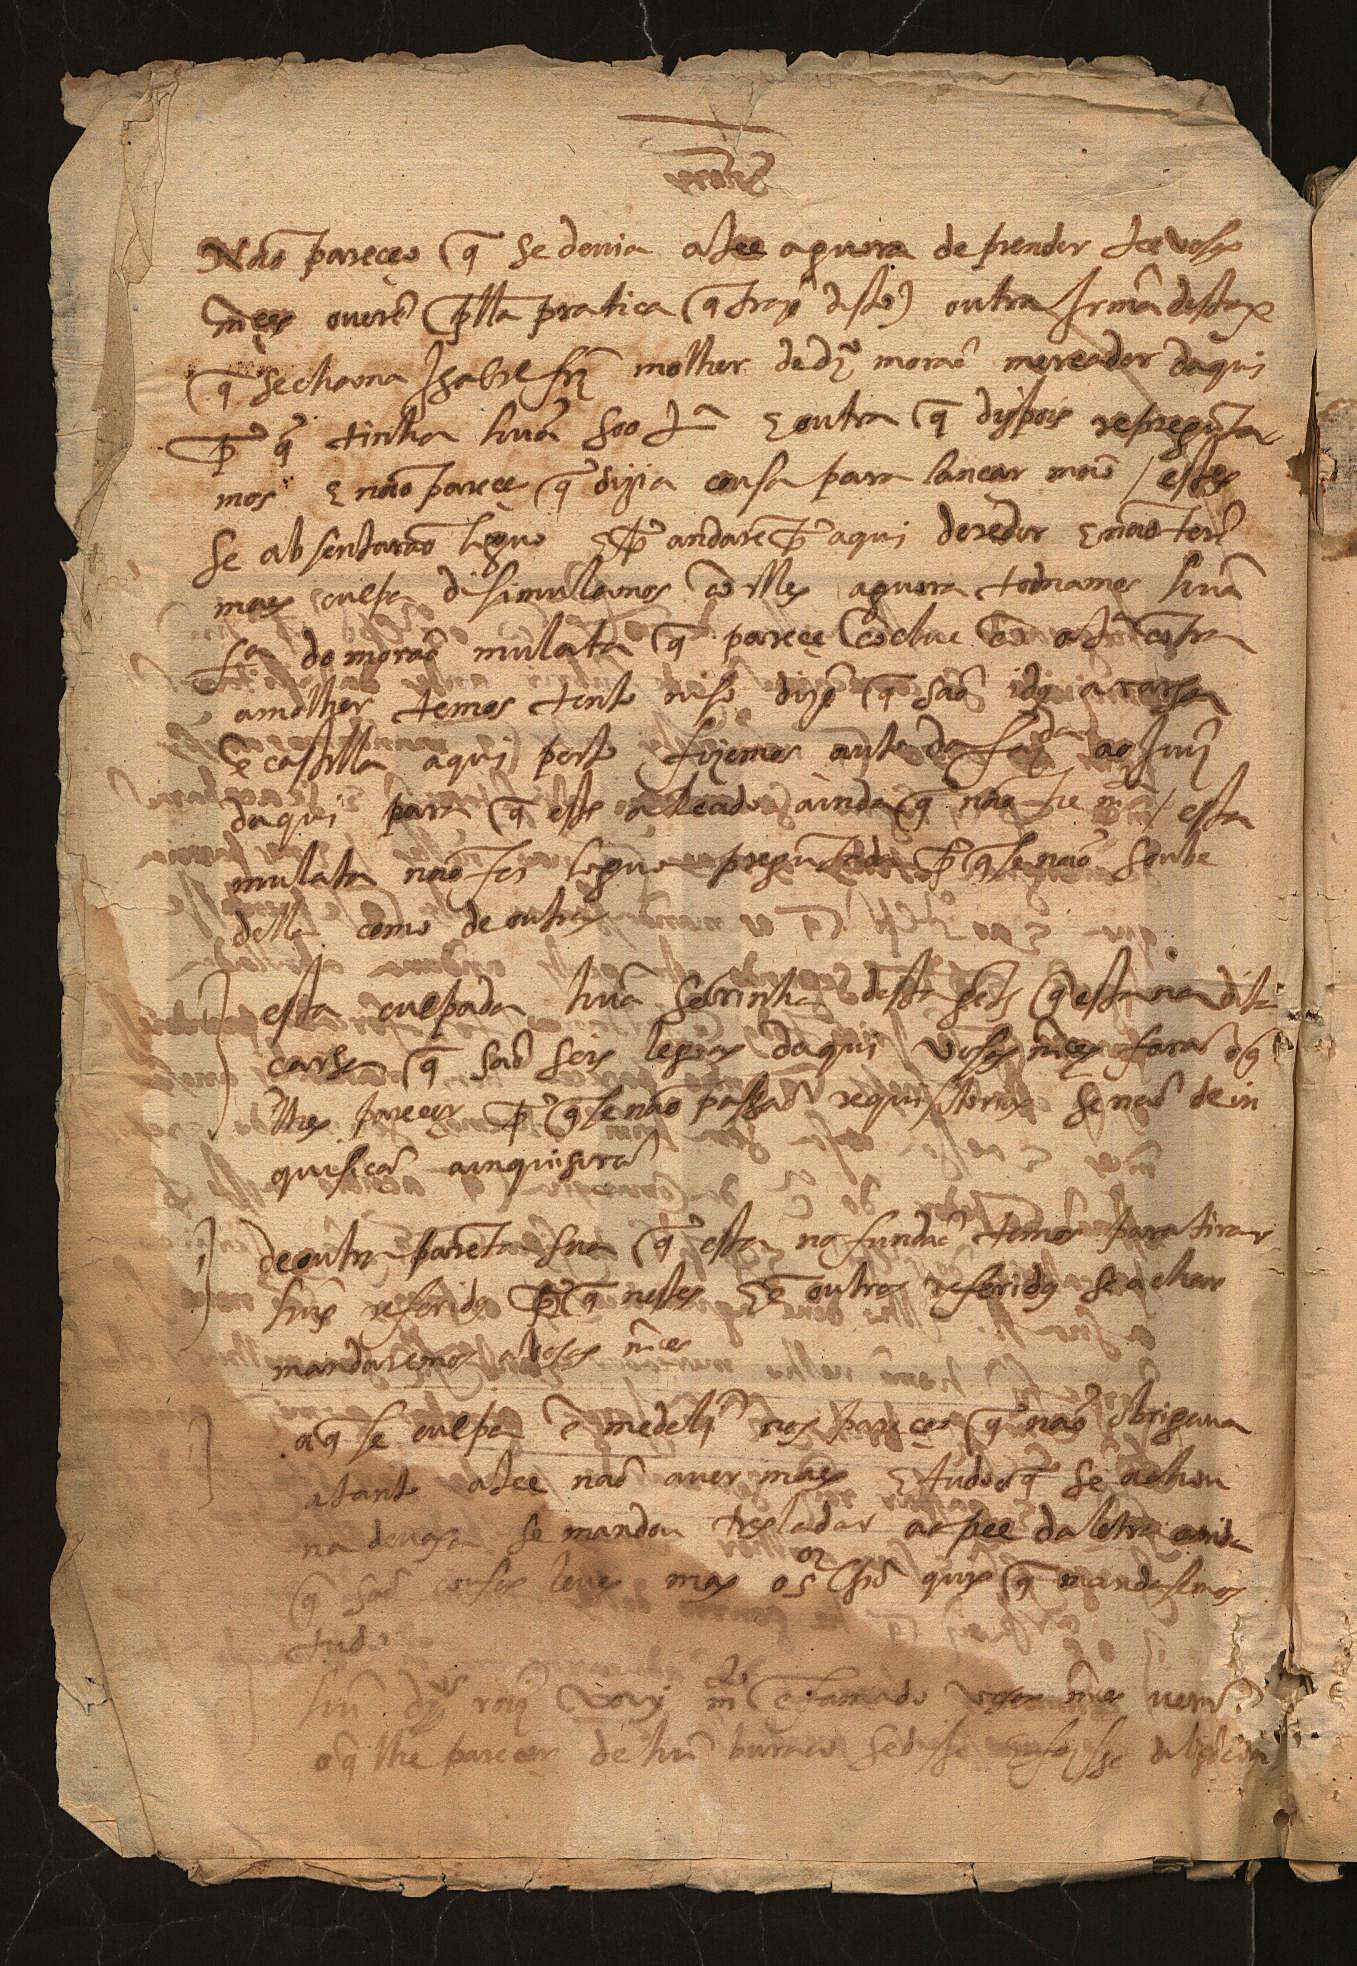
Naõ pareceo q̄ se deuia atee aguora de prender tee vosas
m̄ces o uerē p̄lla pratica q̄ trazē disto outra Jrmā destas
q̄ se chama Jsabel frz̄ molher de djo moraõ mercador daqui
p̄oq̄ tinha huā soo ta E outra q̄ dispois repregūta
mos E naõ parece q̄ dizia cousa para lançar maõ / estes
se absentaraõ loguo E p̄o andarē p̄o aqui deredor E não terē
mais culpa disimulamos cō elles aguora tomamos huā
fa do moraõ mulata q̄ parece cōclue c̄o a ta cōtra
a molher temos tento niso dizē q̄ saõ idꝯ a carsa
ē castella aqui perto fizemos auto do fazda ao Juiz̄
daqui para q̄ este a Recado ainda q̄ naõ he mta / esta
mulata naõ foi loguo pregūtada p̄oq̄ se naõ soube
della como de outras
esta culpada huā sobrinha desta gētꝭ q̄ esta na dita
carsa q̄ saõ seis legoas daqui vosas m̄ces faraõ o q̄
lhes parecer p̄oq̄ se naõ passaõ requisitorias se naõ de in
quisiçaõ a inquisiçaõ
de outra parēta sua q̄ esta no fundaõ temos para tirar
hūs referidꝯ p̄oq̄ nestes E ē outros referidos se achar
mandaremos a vosas m̄ces
a q̄ se culpa ē medelj̄ nos pareceo q̄ naõ obrigaua
a tanto atee naõ auer maes E tudo o q̄ se achou
na deuasa se mandou tresladar ao pee da letra ainda
q̄ saõ cousas leues mas o sor bpō quis q̄ mandasemos
tudo
hū dos roiz̄ vay mto ēfamado vosas m̄ces uerā
o q̄ lhe parecer de hū buraco se disse E fez sse deligēcia
